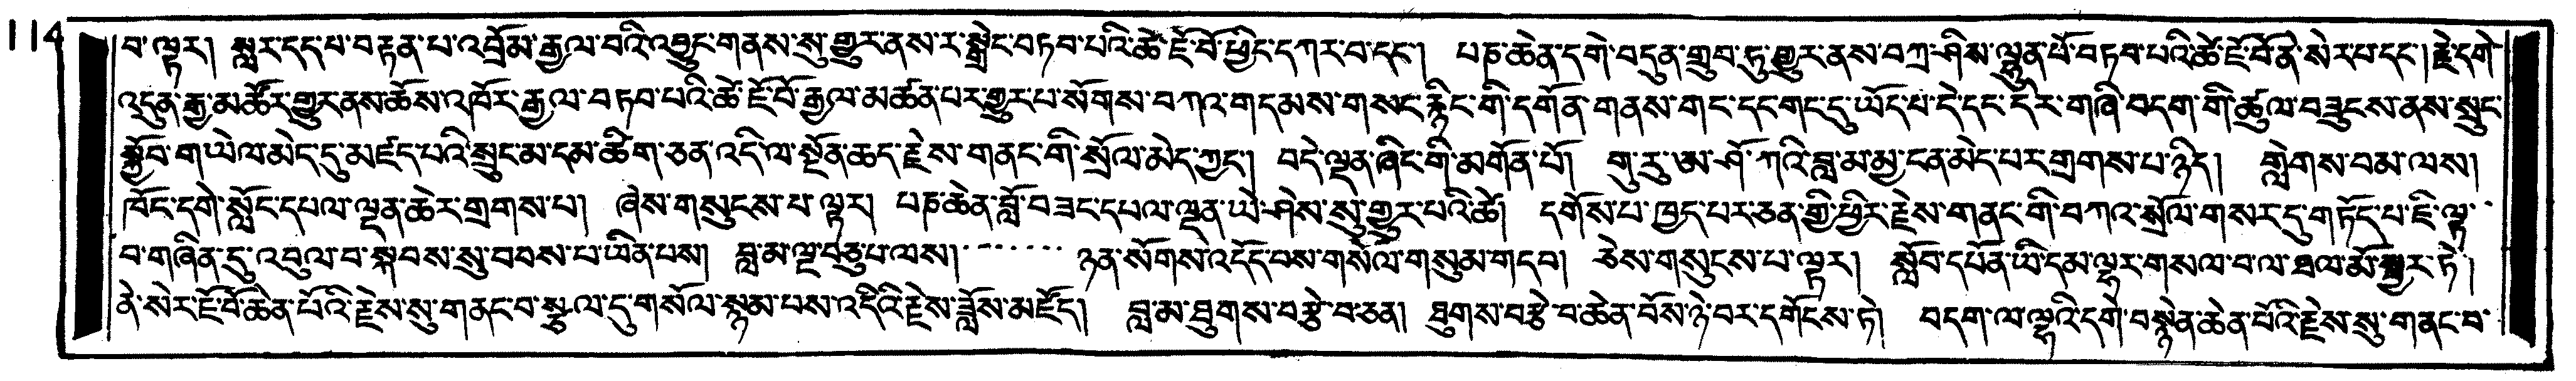བ་ལྟར། སླར་དད་པ་བརྟན་པ་འབྲོམ་རྒྱལ་བའི་འབྱུང་གནས་སུ་གྱུར་ནས་ར་སྒྲེང་བཏབ་པའི་ཚེ་ཇོ་བོ་ཕྱིང་དཀར་བ་དང་། པཎ་ཆེན་དགེ་བདུན་གྲུབ་ཏུ་གྱུར་ནས་བཀྲ་ཤིས་ལྷུན་པོ་བཏབ་པའི་ཚེ་ཇོ་བོ་ནེ་སེར་པ་དང་། རྗེ་དགེ་
འདུན་རྒྱ་མཚོར་གྱུར་ནས་ཆོས་འཁོར་རྒྱལ་བཏབ་པའི་ཚེ་ཇོ་བོ་རྒྱལ་མཚན་པར་གྱུར་པ་སོགས་བཀའ་གདམས་གསང་རྙིང་གི་དགོན་གནས་གང་དང་གང་དུ་ཡོད་པ་དེ་དང་དིར་གཞི་བདག་གི་ཚུལ་བཟུངས་ནས་སྲུང་
སྐྱོབ་གཡེལ་མེད་དུ་མཛད་པའི་སྲུང་མ་དམ་ཚིག་ཅན་འདི་ལ་སྔོན་ཆད་རྗེས་གནང་གི་སྲོལ་མེད་ཀྱང་། བདེ་ལྡན་ཞིང་གི་མགོན་པོ། གུ་རུ་ཨ་ཤོ་ཀའི་བླ་མ་མྱ་ངན་མེད་པར་གྲགས་པ་ཉིད། གླེགས་བམ་ལས།
ཁོང་དགེ་སློང་དཔལ་ལྡན་ཆེར་གྲགས་པ། ཞེས་གསུངས་པ་ལྟར། པཎ་ཆེན་བློ་བཟང་དཔལ་ལྡན་ཡེ་ཤེས་སུ་གྱུར་པའི་ཚེ། དགོས་པ་ཁྱད་པར་ཅན་གྱི་ཕྱིར་རྗེས་གནང་གི་བཀའ་སྲོལ་གསར་དུ་གཏོད་པ་ཇི་ལྟ་
བ་གཞིན་དུ་འབུལ་བ་སྐབས་སུ་བབས་པ་ཡིན་པས། བླ་མ་ལྔ་བཅུ་པ་ལས། ཉན་སོགས་འདོད་པས་གསོལ་གསུམ་གདབ། ཅེས་གསུངས་པ་ལྟར། སློབ་དཔོན་ཡི་དམ་ལྷར་གསལ་བ་ལ་ཐལ་མོ་སྦྱར་ཏེ།
ནེ་སེར་ཇོ་བོ་ཆེན་པོའི་རྗེས་སུ་གནང་བ་སྩལ་དུ་གསོལ་སྙམ་པས་འདིའི་རྗེས་ཟློས་མཛོད། བླ་མ་ཐུགས་བརྩེ་བ་ཅན། ཐུགས་བརྩེ་བ་ཆེན་པོས་ཉེ་བར་དགོངས་ཏེ། བདག་ལ་ལྷའི་དགེ་བསྙེན་ཆེན་པོའི་རྗེས་སུ་གནང་བ་